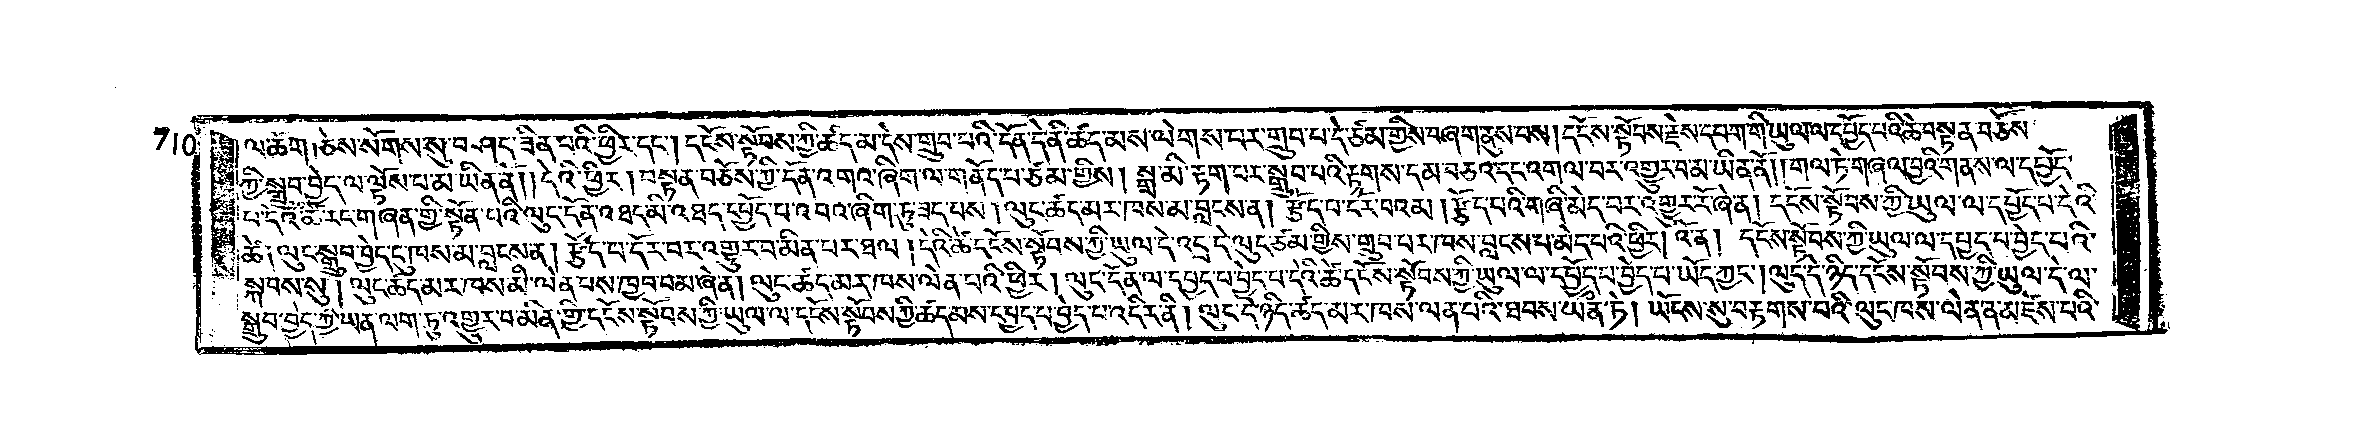ལ་ཆོག །ཅེས་སོགས་སུ་བཤད་ཟིན་པའི་ཕྱིར་དང་། དངོས་སྟོབས་ཀྱི་ཚད་མ་དེས་གྲུབ་པའི་དོན་དེ་ནི་ཚད་མས་ལེགས་པར་གྲུབ་པ་དེ་ཙམ་གྱིས་བཞག་ནུས་པས། དངོས་སྟོབས་རྗེས་དཔག་གི་ཡུལ་ལ་དཔྱོད་པའི་ཆེ་བསྟན་བཅོས་
ཀྱི་སྒྲུབ་བྱེད་ལ་ལྟོས་པ་མ་ཡིན་ནོ། །དེའི་ཕྱིར། བསྟན་བཅོས་ཀྱི་དོན་འགའ་ཞིག་ལ་གནོད་པ་ཙམ་གྱིས། སྒྲ་མི་རྟག་པར་སྒྲུབ་པའི་རྟགས་དམ་བཅའ་དང་འགལ་བར་འགྱུར་བ་མ་ཡིན་ནོ། །གལ་ཏེ་གཞལ་བྱའི་གནས་ལ་དཔྱོད་
པ་དེའི་ཚེ་རང་གཞན་གྱི་སྟོན་པའི་ལུང་དོན་འཐད་མི་འཐད་དཔྱོད་པ་འབའ་ཞིག་ཏུ་ཟད་པས། ལུང་ཚད་མར་ཁས་མ་བླངས་ན། རྩོད་པ་ངོར་བའམ། རྩོད་པའི་གཞི་མེད་པར་འགྱུར་རོ་ཞེ་ན། དངོས་སྟོབས་ཀྱི་ཡུལ་ལ་དཔྱོད་པ་དེའི་
ཚེ། ལུང་སྒྲུབ་བྱེད་དུ་ཁས་མ་བླངས་ན། རྩོད་པ་དོར་བར་འགྱུར་བ་མིན་པར་ཐལ། དེའི་ཚེ་དངོས་ཚོབས་ཀྱི་ཡུལ་དེ་འདྲ་དེ་ལུང་ཙམ་གྱིས་གྲུབ་པར་ཁས་བླངས་པ་མེད་པའི་ཕྱིར། འོ་ན། དངོས་སྟོབས་ཀྱི་ཡུལ་ལ་དཔྱད་པ་བྱེད་པའི་
སྐབས་སུ། །ལུང་ཚད་མར་ཁས་མི་ལེན་པས་ཁྱབ་བམ་ཞེ་ན། ལུང་ཚད་མར་ཁས་ལེན་པའི་ཕྱིར། ལུང་དོན་ལ་དཔྱད་པ་བྱེད་པ་དེའི་ཚེ་དངོས་ཚོབས་ཀྱི་ཡུལ་ལ་དཔྱོད་པ་བྱེད་པ་ཡོད་ཀྱང་། ལུང་དེ་ཉིད་དངོས་སྟོབས་ཀྱི་ཡུལ་དེ་ལ་
སྒྲུབ་བྱེད་ཀྱི་ཡན་ལག་ཏུ་འགྱུར་བ་མིན་གྱི་དངོས་སྟོབས་ཀྱི་ཡུལ་ལ་དངོས་སྟོབས་ཀྱི་ཚད་མས་དཔྱད་པ་བྱེད་པ་འདིར་ནི། ལུང་དེ་ཉིད་ཚད་མར་ཁས་ལེན་པའི་ཐམས་ཡིན་ཏེ། ཡོངས་སུ་བརྟགས་པའི་ལུང་ཁས་ལེན་ན་མཛེས་པའི་